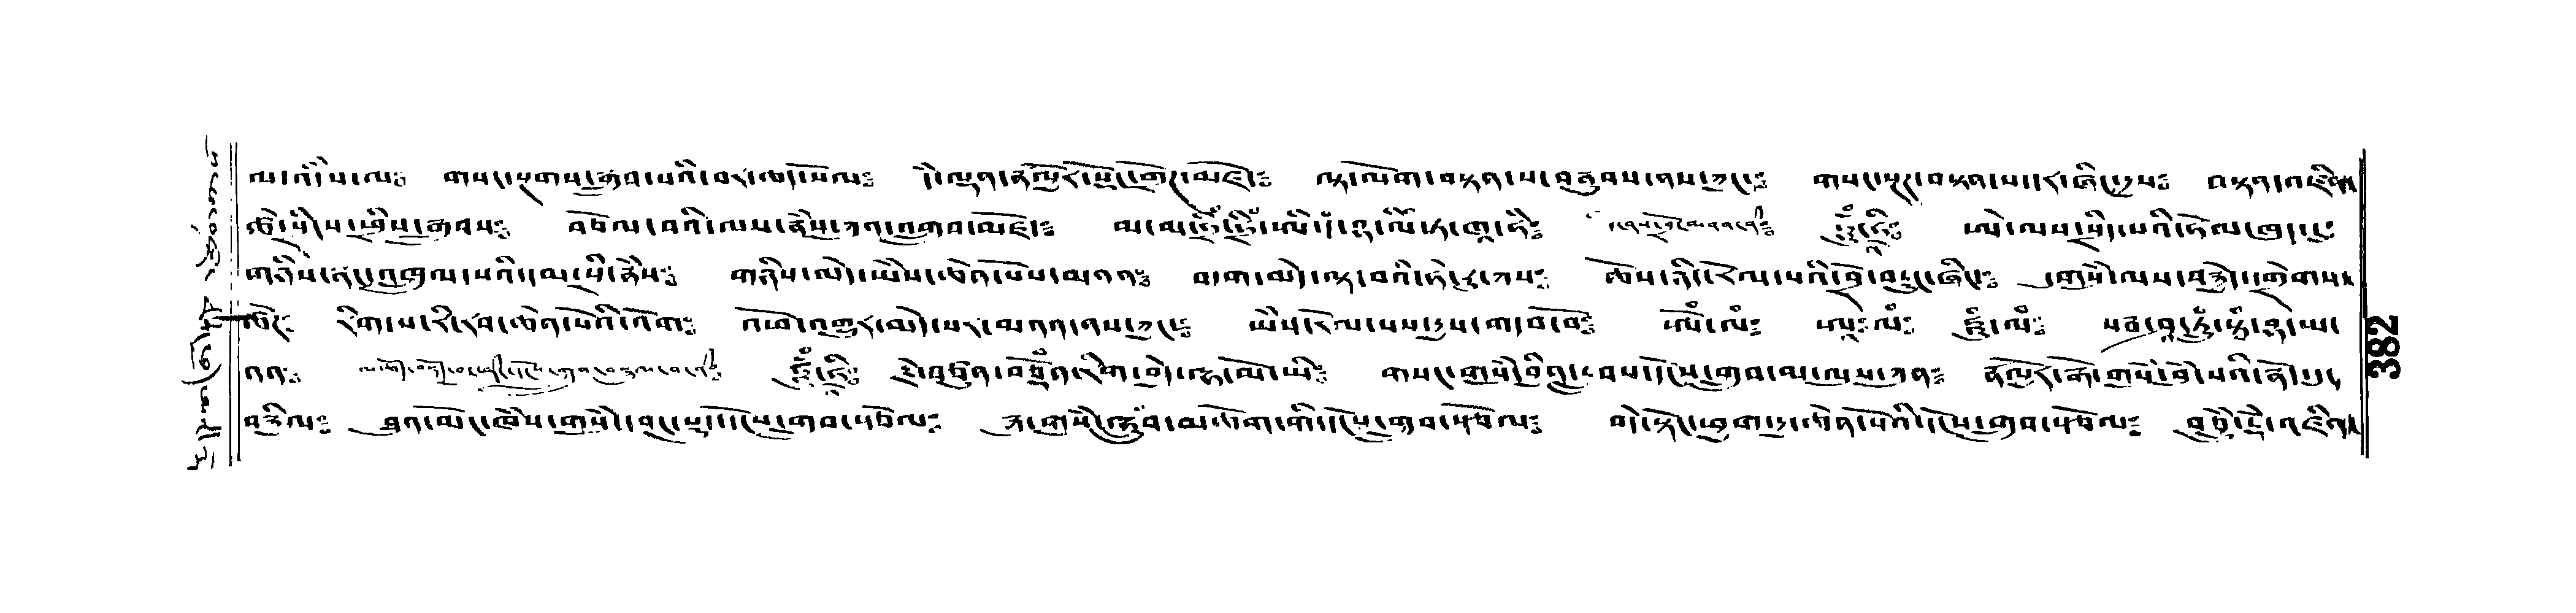མ་འདི་བཞེས་ལ༔ གསང་སྔགས་སྒྲུབ་པའི་བར་ཆད་སོལ༔ དམ་ལྡན་རྣལ་འབྱོར་སྡོང་གྲོགས་མཛོད༔ ལྟ་ལོག་བསྟན་པ་བསྣུབས་ནས་ཀྱང༔ གསང་སྔགས་བསྟན་པ་དར་ཞིང་རྒྱས༔ བསྟན་འཛིན་
ཚེ་སྲིངས་ཕྲིན་ལས་སྒྲུབས༔ བཅོལ་བའི་ལས་རྣམས་ཀུན་འགྲུབ་མཛོད༔ མ་མ་ཧྲིཾ་ཧྲིཾ་ཨི་དཾ་བྷ་ལིཾ་ཏ་ཁཱ་ཧིཿ དེ་ནས་བྲོ་མནན་ནི༔ ཧཱུྃ་ཧྲཱིཿ ཨེ་ལས་སྲིད་པའི་ཧོམ་ཁུང་དུ༔ 
གཉིས་སྣང་འཁྲུལ་པའི་དམ་སྲི་རྣམས༔ གཉིས་མེད་ཡེ་ཤེས་ཆེན་པོས་མནན༔ བདག་མེད་ལྟ་བའི་ཧེ་རུ་ཀས༔ ཆོས་ཉིད་རོལ་པའི་བྲོ་བརྡུང་ཞིང༔ དུག་གསུམ་ལས་བསྐྱེད་དགྲ་བགེགས་
ཚོགས༔ རིག་པ་རི་རབ་ཆེན་པོའི་འོག༔ འཕོ་འགྱུར་མེད་པར་མནན་ནས་ཀྱང༔ ཡེ་ཤེས་རོལ་པས་རྒྱས་གདབ་བོ༔ ཨོཾ་ལཾ༔ ཨཱཿལཾ༔ ཧཱུྃ་ལཾ༔ སརྦ་ཤཱ་ཏྲུཾ་སྟྭཾ་བྷ་ཡ་
ནན༔ མཆོད་བསྟོད་བྱ་ཞིང་དངོས་གྲུབ་བསྐུལ་བ་ནི༔ ཧཱུྃ་ཧྲཱིཿ རྗེ་བཙུན་བཅོམ་ལྡན་རིག་བྱེད་ལྷ་མོ་ཡི༔ གསང་གསུམ་བྱིན་རླབས་དངོས་གྲུབ་མ་ལུས་ཀུན༔ རྣལ་འབྱོར་སྒོ་གསུམ་བུམ་པའི་སྣོད་དུ་
བསྐྱིལ༔ ཐུན་མོང་ཁམས་གསུམ་དབང་སྡུད་དངོས་གྲུབ་སྩོལ༔ སྐུ་གསུམ་ལྷུན་གྲུབ་མཆོག་གི་དངོས་གྲུབ་སྩོལ༔ བདེ་སྟོང་ཕྱག་རྒྱ་ཆེན་པོའི་དངོས་གྲུབ་སྩོལ༔ བཅུ་དྲུག་རྡོ་རྗེ་འཛིན་